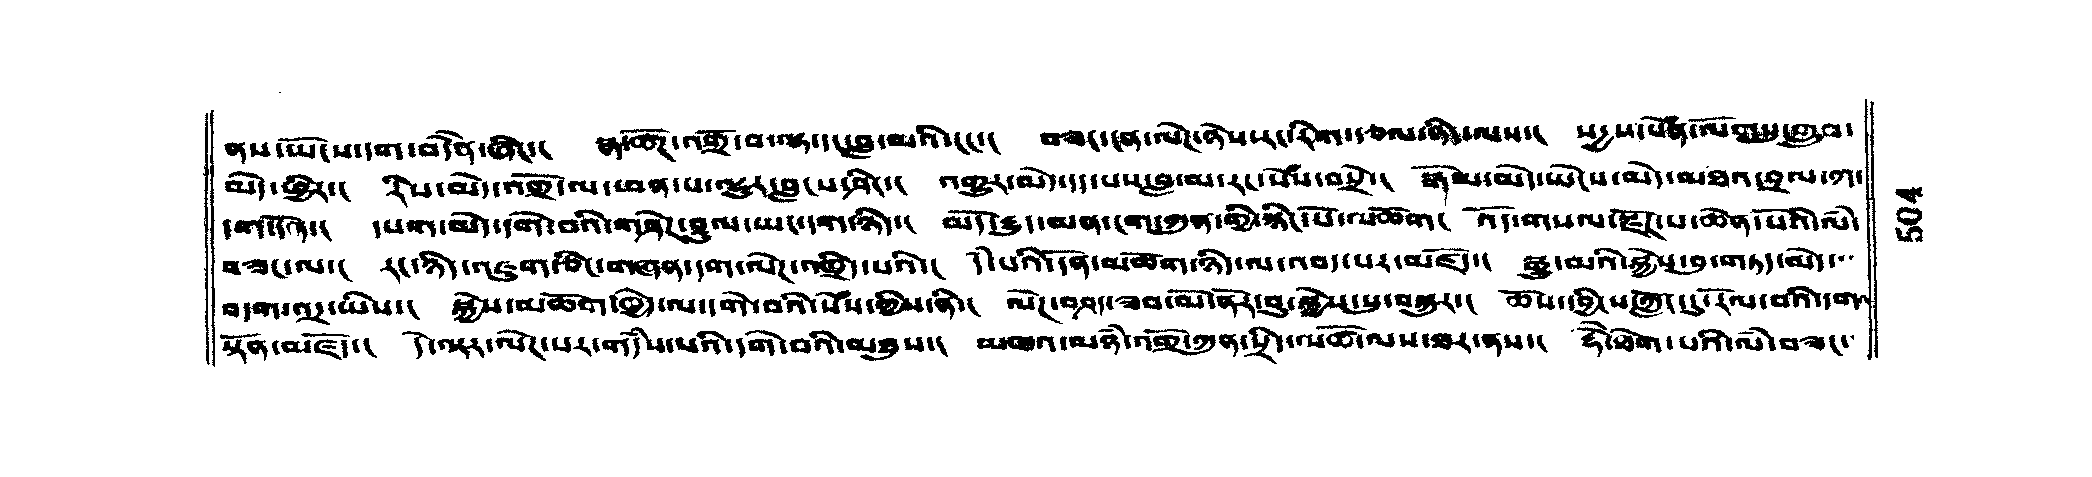ནས་ཡོངས་དག་བདེ་ཆེན་ཞིང་། །སྣ་ཚོགས་འགྲོ་བ་ལྷ་དང་བླ་མའི་ངང་། །བཟང་ངན་ལེགས་ཉེས་རང་རིག་རྩལ་ཉིད་ལས། །སངས་རྒྱས་སེམས་ཅན་ལོགས་སུ་གྲུབ་
མེད་ཕྱིར། །རིས་མེད་འགྲོ་ལ་ཕན་པ་ལྷུར་བླངས་ཤིང་། །འགྱུར་མེད་དད་པས་བླ་མ་རང་སེམས་བསྲེས། །སྒོམ་མེད་ཡེངས་མེད་མཐའ་བྲལ་ཀ་
དག་དོན། །དཔག་མེད་དགེ་བའི་གཤེགས་ཤུལ་ཡང་དག་ཉིད། །མདོ་རྒྱུད་མན་ངག་ཀུན་གྱི་སྙིང་པོ་མཆོག །འོད་གསལ་རྫོགས་པ་ཆེན་པོའི་ལམ་
བཟང་ལ། །རང་ཉིད་འཇུག་ཅིང་གཞན་དག་ལེགས་འཁྲིད་པའི། །དམ་པའི་དོན་མཆོག་ཉིད་ལ་འབད་པར་མཛོད། །སྒྱུ་མའི་སྐྱེས་བུ་གཏད་མེད་
བདག་འདྲ་ཡིས། །སྐྱེས་མཆོག་ཁྱེད་ལ་དགེ་བའི་སེམས་ཀྱིས་ནི། །ལེགས་བཤད་ཟབ་མོའི་ནོར་བུ་སྐྱེས་སུ་བསྐུར། །ཆོས་དབྱིངས་ཀློང་དུ་རོལ་བའི་དགའ་
སྟོན་མཛོད། །དེ་ལྟར་ལེགས་པར་གདམས་པའི་དགེ་བའི་མཐུས། །མཁའ་མཉམ་འགྲོ་ཀུན་སྲིད་མཚོ་ལས་ཐར་ནས། །རྡོ་རྗེ་ཐེག་པའི་ལམ་བཟང་